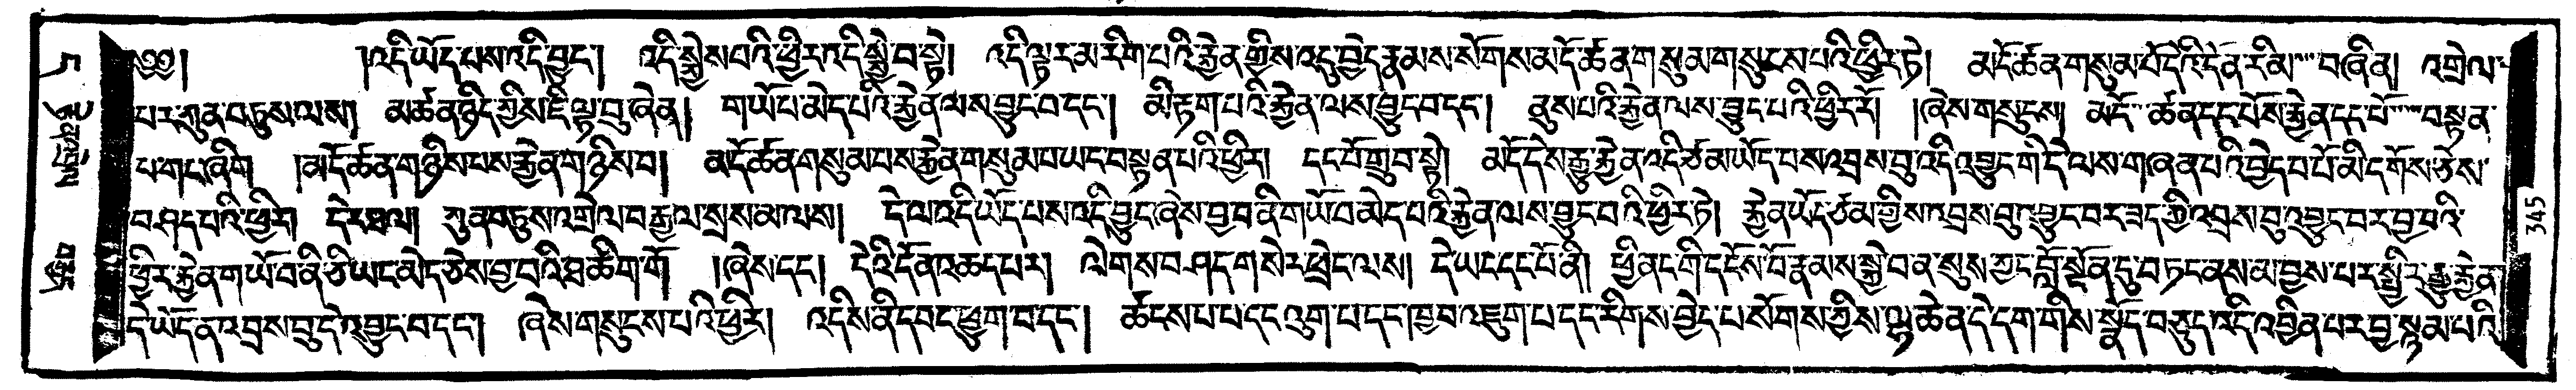༄༅། །འདི་ཡོད་པས་འདི་བྱུང་། འདི་སྐྱེས་བའི་ཕྱིར་འདི་སྐྱེ་བ་སྟེ། འདི་ལྟར་མ་རིག་པའི་རྐྱེན་གྱིས་འདུ་བྱེད་རྣམས་སོགས་མདོ་ཚན་གསུམ་གསུངས་པའི་ཕྱིར་ཏེ། མདོ་ཚན་གསུམ་པོ་དེའི་དོན་རིམ་བཞིན། འགྲེལ་
པར་ཀུན་བཏུས་ལས། མཚན་ཉིད་ཀྱིས་ཇི་ལྟ་བུ་ཞེ་ན། གཡོ་པ་མེད་པའི་རྐྱེན་ལས་བྱུང་བ་དང་། མི་རྟག་པའི་རྐྱེན་ལས་བྱུང་བ་དང་། ནུས་པའི་རྐྱེན་ལས་བྱུང་པའི་ཕྱིར་རོ། །ཞེས་གསུངས། མདོ་ཚན་དང་པོས་རྐྱེན་དང་པོ་བསྟན་
པ་གང་ཞིག །མདོ་ཚན་གཉིས་པས་རྐྱེན་གཉིས་པ། མདོ་ཚན་གསུམ་པས་རྐྱེན་གསུམ་པ་ཡང་བསྟན་པའི་ཕྱིར། དང་པོ་གྲུབ་སྟེ། མདོ་དེས་རྒྱུ་རྐྱེན་འདི་ཙམ་ཡོད་པས་འབྲས་བུ་འདི་འབྱུང་གི་དེ་ལས་གཞན་པའི་བྱེད་པ་པོ་མི་དགོས་ཅེས་
བཤད་པའི་ཕྱིར། དེར་ཐལ། ཀུན་བཏུས་འགྲེལ་བ་རྒྱལ་སྲས་མ་ལས། དེ་ལ་འདི་ཡོད་པས་འདི་བྱུང་ཞེས་བྱ་བ་ནི་གཡོ་བ་མེད་པའི་རྐྱེན་ལས་བྱུང་བའི་ཕྱིར་ཏེ། རྐྱེན་ཡོད་ཙམ་གྱིས་འབྲས་བུ་འབྱུང་བར་ཟད་ཀྱི་འབྲས་བུ་འབྱུང་བར་བྱ་བའི་
ཕྱིར་རྐྱེན་གཡོ་བ་ནི་ཅི་ཡང་མེད་ཅེས་བྱ་བའི་ཐ་ཚིག་གོ །ཞེས་དང་། དེའི་དོན་འཆད་པར། ལེགས་བཤད་གསེར་ཕྲེང་ལས། དེ་ཡང་དང་པོ་ནི། ཕྱི་ནང་གི་དངོས་པོ་རྣམས་སྐྱེ་བ་ན་སུས་ཀྱང་བློ་སྔོན་དུ་བཏང་ནས་མ་བྱས་པར་སྤྱིར་རྒྱུ་རྐྱེན་
དེ་ཡོད་ན་འབྲས་བུ་དེ་འབྱུང་བ་དང་། ཞེས་གསུངས་པའི་ཕྱིར། འདིས་ནི་དབང་ཕྱུག་བ་དང་། ཚངས་པ་དང་འུག་པ་དང་ཁྱབ་འཇུག་པ་དང་རིགས་བྱེད་པ་སོགས་ཀྱིས་ལྷ་ཆེན་དེ་དག་གིས་སྣོད་བཅུད་འདི་འབྱིན་པར་བྱ་སྙམ་པའི་